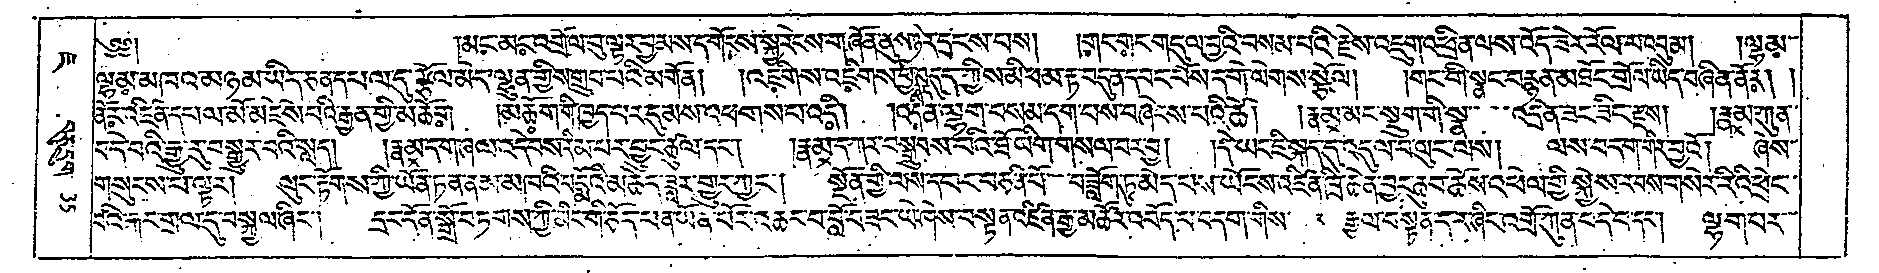༄༅། །མང་མང་འགྲོ་ལ་བུ་ལྟར་བྱམས་དགོངས་སྐྱ་རེངས་གཞོན་ནུས་ཉེར་དྲངས་པས། །གང་གང་གདུལ་བྱའི་བསམ་པའི་རྗེས་འཇུག་འཕྲིན་ལས་འོད་ཟེར་རོལ་པ་འབུམ། །ལྷམ་
ལྷམ་མཁའ་མཉམ་ཡིད་ཅན་དཔལ་དུ་རྩོལ་མེད་ལྷུན་གྱིས་གྲུབ་པའི་མགོན། །འཇིགས་འཇིགས་ཕྱི་ནང་བདུད་ཀྱིས་མི་ཕམ་རྟ་བདུན་དབང་པོས་དགེ་ལེགས་སྩོལ། །གང་གི་སྣང་བརྙན་མཐོང་གྲོལ་ཡིད་བཞིན་ནོར། །
ནོར་འཛིན་དཔལ་མོ་མཛེས་པའི་རྒྱན་གྱི་མཆོག །མཆོག་གི་ཁྱད་པར་དུ་མས་འཕགས་པ་འདི། །འདི་ན་ལྷག་བསམ་དག་པས་བཞེངས་པའི་ཚེ། །རྣམ་྾་མང་སྡུག་གི་སྣ་འདྲེན་ཟང་ཟིང་རྫས། །རྣམ་྾་ཀུན་
བདེ་བའི་རྒྱུ་རུ་བསྒྱུར་བའི་སླད། །རྣམ་྾་དག་ཞལ་འདེབས་རིམ་པར་བྱུང་ཚུལ་དང་། །རྣམ་྾་དཀར་བསྒྲུབས་པའི་ཐོ་ཡིག་གསལ་བར་བྱ། །དེ་ཡང་ཇི་སྐད་དུ་འདུལ་བ་ལུང་ལས། ལས་བདག་གིར་བྱའོ། ཞེས་
གསུངས་པ་ལྟར། ལུང་རྟོགས་ཀྱི་ཡོན་ཏན་ནམ་མཁའི་པདམོའི་མཆེད་ཟླར་གྱུར་ཀྱང་། སྔོན་གྱི་ལས་དབང་བཙན་པོ་བཟློག་ཏུ་མེད་པས་ཡོངས་འཛིན་ཁྲི་ཆེན་བྱང་ཆུབ་ཆོས་འཕེལ་གྱི་སྐྱེས་རབས་གསེར་རིའི་ཕྲེང་
བའི་རྐང་གྲལ་དུ་བསྐྱལ་ཞིང་། དྲང་དོན་སྒྲོ་བཏགས་ཀྱི་མིང་གི་ཅོད་པན་ཡོན་པོར་འཆང་བ་བློ་བཟང་ཡེ་ཤེས་བསྟན་འཛིན་རྒྱ་མཚོར་འབོད་པ་བདག་གིས་༧་རྒྱལ་བསྟན་དར་ཞིང་འགྲོ་ཀུན་བདེ་བ་དང་། ལྷག་པར་